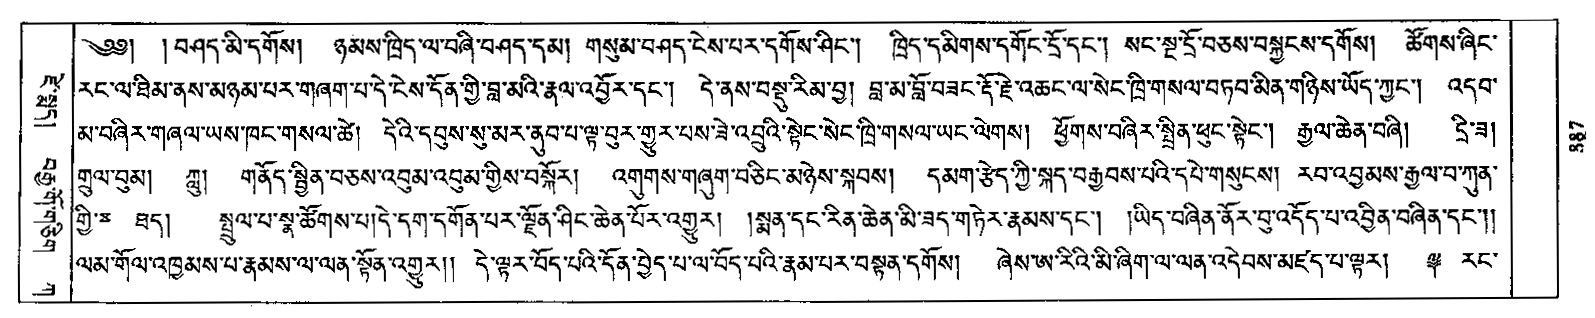༄༅། །བཤད་མི་དགོས། ཉམས་ཁྲིད་ལ་བཞི་བཤད་དམ། གསུམ་བཤད་ངེས་པར་དགོས་ཤིང་། ཁྲིད་དམིགས་དགོང་དྲོ་དང་། སང་སྔ་དྲོ་བཅས་བསྐྱངས་དགོས། ཚོགས་ཞིང་
རང་ལ་ཐིམ་ནས་མཉམ་པར་གཞག་པ་དེ་ངེས་དོན་གྱི་བླ་མའི་རྣལ་འབྱོར་དང་། དེ་ནས་བསྡུ་རིམ་བྱ། བླ་མ་བློ་བཟང་རྡོ་རྗེ་འཆང་ལ་སེང་ཁྲི་གསལ་བཏབ་མིན་གཉིས་ཡོད་ཀྱང་། འདབ་
མ་བཞིར་གཞལ་ཡས་ཁང་གསལ་ཚེ། དེའི་དབུས་སུ་མར་ནུབ་པ་ལྟ་བུར་གྱུར་པས་ཟེ་འབྲུའི་སྟེང་སེང་ཁྲི་གསལ་ཡང་ལེགས། ཕྱོགས་བཞིར་སྤྲིན་ཕུང་སྟེང་། རྒྱལ་ཆེན་བཞི། དྲི་ཟ།
གྲུལ་བུམ། ཀླུ། གནོད་སྦྱིན་བཅས་འབུམ་འབུམ་གྱིས་བསྐོར། འགུགས་གཞུག་བཅིང་མཉེས་སྐབས། དམག་རྩེད་ཀྱི་སྐད་བརྒྱབས་པའི་དཔེ་གསུངས། རབ་འབྱམས་རྒྱལ་བ་ཀུན་
གྱི་྾་ཐད། སྤྲུལ་པ་སྣ་ཚོགས་པ། དེ་དག་དགོན་པར་ལྗོན་ཤིང་ཆེན་པོར་འགྱུར། །སྨན་དང་རིན་ཆེན་མི་ཟད་གཏེར་རྣམས་དང་། །ཡིད་བཞིན་ནོར་བུ་འདོད་པ་འབྱིན་བཞིན་དང།།
ལམ་གོལ་འཁྱམས་པ་རྣམས་ལ་ལན་སྟོན་འགྱུར།། དེ་ལྟར་བོད་པའི་དོན་བྱེད་པ་ལ་བོད་པའི་རྣམ་པར་བསྟན་དགོས། ཞེས་ཨ་རིའི་མི་ཞིག་ལ་ལན་འདེབས་མཛད་པ་ལྟར། ༈ རང་